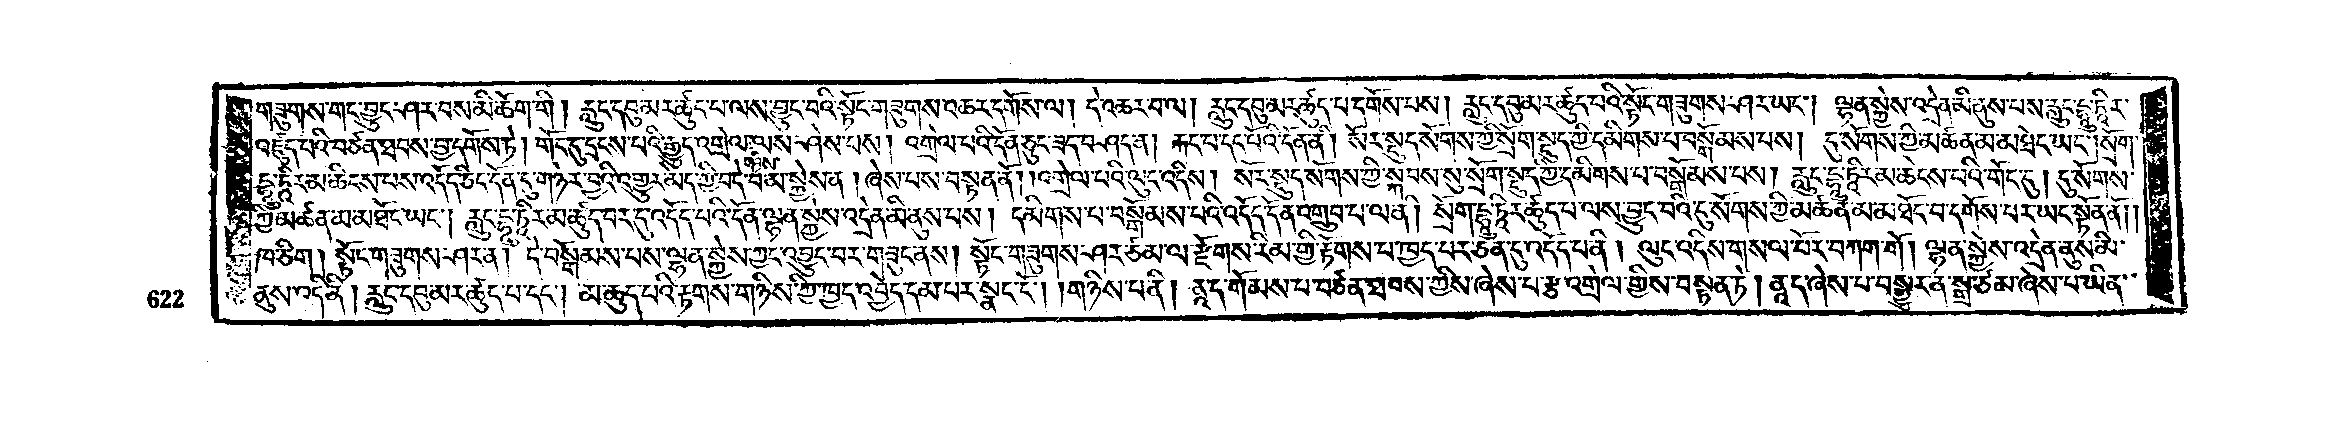གཟུགས་གང་བྱུང་ཤར་བས་མི་ཆོག་གི །རླུང་དབུ་མར་ཚུད་པ་ལས་བྱུང་བའི་སྟོང་གཟུགས་འཆར་དགོས་ལ། དེ་འཆར་བ་ལ། རླུང་དབུ་མར་ཚུད་པ་དགོས་པས། རླུང་དབུ་མར་ཚུད་པའི་སྟོང་གཟུགས་ཤར་ཡང་། ལྷན་སྐྱེས་འདྲེན་མི་ནུས་པས་རླུང་དྷཱུ་ཏཱིར་
འཛུད་པའི་བཙན་ཐབས་བྱ་དགོས་ཏེ། གོང་དུ་དྲངས་པའི་རྒྱུད་འགྲེལ་གཉིས་ལས་ཤེས་པས། འགྲེལ་པའི་དོན་ཅུང་ཟད་བཤད་ན། རྐང་པ་དང་པོའི་དོན་ནི། སོར་སྡུད་སོགས་ཀྱི་སྲོག་སྡུད་ཀྱི་དམིགས་པ་བསྒོམས་པས། དུ་སོགས་ཀྱི་མཚན་མ་མཐེང་ཡང་། སྲོག་
དྷཱུ་ཏཱིར་མ་ཆིངས་པས་འདོད་ཅིང་དོན་དུ་གཉེར་བྱའི་འགྱུར་མེད་ཀྱི་བདེ་བ་མ་སྐྱེས་ན། ཞེས་པས་བསྟན་ནོ། །འགྲེལ་པའི་ལུང་འདིས། སོར་སྡུད་སོགས་ཀྱི་སྐབས་སུ་སྲོག་སྡུད་ཀྱི་དམིགས་པ་བསྒོམས་པས། རླུང་དྷཱུ་ཏཱིར་མ་ཆིངས་པའི་གོང་དུ། དུ་སོགས་
ཀྱི་མཚན་མ་མཐོང་ཡང་། རླུང་དྷཱུ་ཏཱིར་མ་ཚུད་བར་དུ་འདོད་པའི་དོན་ལྷན་སྐྱེས་འདྲེན་མི་ནུས་པས། དམིགས་པ་བསྒོམས་པའི་འདོད་དོན་འགྲུབ་པ་ལ་ནི། སྲོག་དྷཱུ་ཏཱིར་ཚུད་པ་ལས་བྱུང་བའི་དུ་སོགས་ཀྱི་མཚན་མ་མཐོང་བ་དགོས་པར་ཡང་སྟོན་ནོ། །
ཁ་ཅིག །སྟོང་གཟུགས་ཤར་ན། དེ་བསྒོམས་པས་ལྷན་སྐྱེས་ཀྱང་འབྱུང་བར་གཟུང་ནས། སྟོང་གཟུགས་ཤར་ཙམ་ལ་རྫོགས་རིམ་གྱི་རྟོགས་པ་ཁྱད་པར་ཅན་དུ་འདོད་པ་ནི། ལུང་འདིས་གསལ་པོར་བཀག་གོ །ལྷན་སྐྱེས་འདྲེན་ནུས་མི་
ནུས་འདི་ནི། རླུང་དབུ་མར་ཚུད་པ་དང་། མ་ཆུད་པའི་རྟགས་གཉིས་ཀྱི་ཁྱད་འབྱེད་དམ་པར་སྣང་ངོ། །གཉིས་པ་ནི། ནཱ་ད་གོམས་པ་བཙན་ཐབས་ཀྱིས་ཞེས་པ་རྩ་འགྲེལ་གྱིས་བསྟན་ཏེ། ནཱ་ད་ཞེས་པ་བསྒྱུར་ན་སྒྲ་ཙམ་ཞེས་པ་ཡིན་